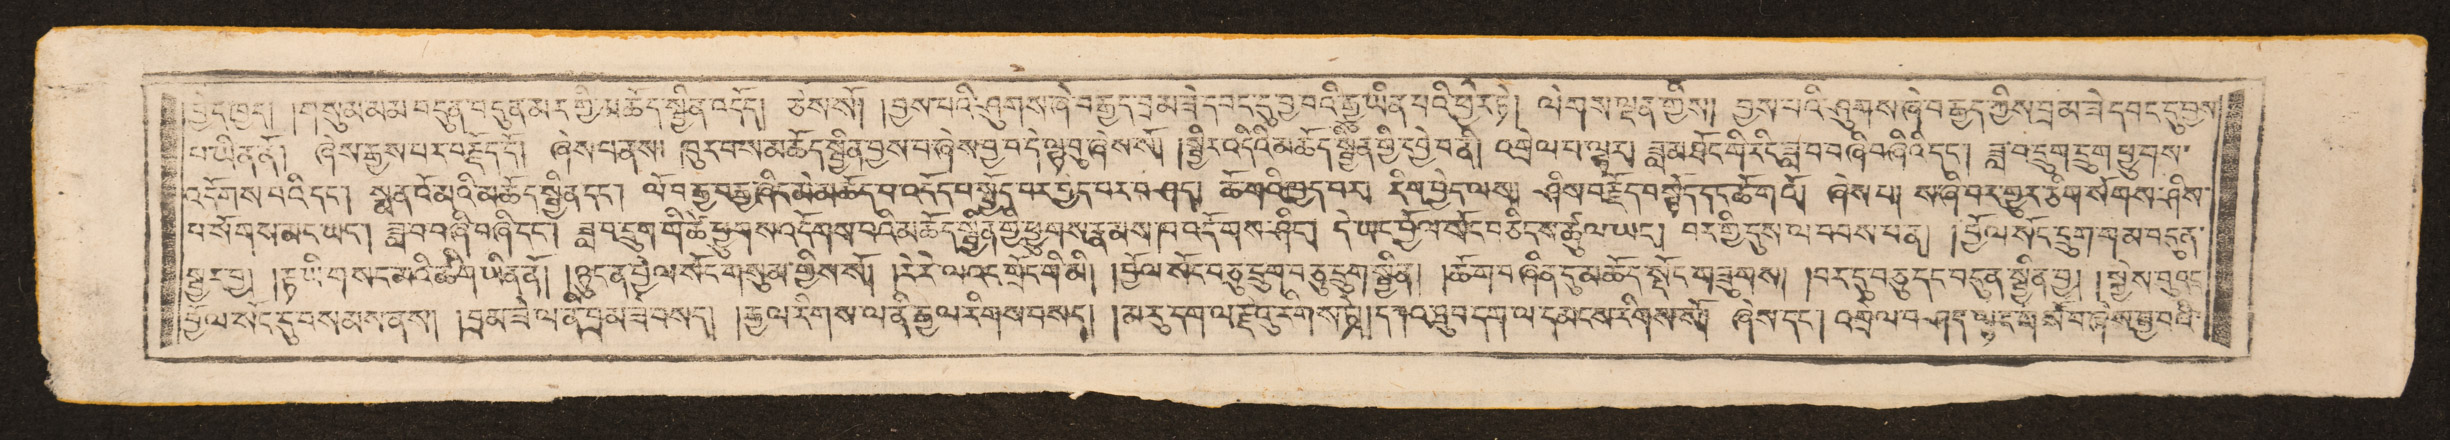བྱེད་ཁྱད། །གསུམ་མ་མ་བདུན་བདུན་མར་གྱིས་ཆོད་སྦྱིན་འདོད། ཅེས་སོ། །བྱས་པའི་ཤུགས་ཞེ་བརྒྱད་བྲམ་ཟེ་དབང་དུ་བྱ་བའི་རྒྱུ་ཡིན་པའི་ཕྱེར་ཏེ། ལེགས་ལྡན་གྱིས། བྱས་པའི་ཤུགས་ཞེ་བརྒྱད་ཀྱིས་བྲམ་ཟེ་དབང་དུ་བྱས་
བ་ཡིན་ནོ། ཞེས་རྒྱས་པར་བརྗོད་དོ། ཞེས་པ་ནས། ཁུར་བས་མཆོད་སྦྱིན་བྱས་པ་ཞེས་བྱ་བདེ་ལྟ་བུ་ཞེས་སོ། །སྤྱིར་འདིའི་མཆོད་སྦྱིན་གྱི་དབྱེ་བ་ནི། འགྲེལ་པ་ལྟར། ཟླ་མཐོང་གི་རིང་ཟླ་བ་བཞི་བཞིའི་དང་། ཟླ་བ་དྲུག་དྲུག་ཕྱུགས་
འདོགས་པའི་དང་། སྨན་འོ་མའི་མཆོད་སྦྱིན་དང་། ལོ་བརྒྱ་བརྒྱ་ཞིང་མེ་མཆོད་པ་འདོད་པ་སྤྱོད་པར་བྱེད་པར་བཤད། ཆོ་གའི་ཁྱད་པར། རིག་བྱེད་ལས། ཤིས་བརྗོད་བསྟོད་དང་ཆོ་གའོ། ཞེས་པ། ས་ཞི་བར་གྱུར་ཅིག་སོགས་ཤིས་
པ་སོགས་མང་ཡང་། ཟླ་བ་བཞི་བཞི་དང་། ཟླ་བ་དྲུག་གི་ཆོ་ཕྱུགས་འདོགས་པའི་མཆོད་སྦྱིན་གྱི་ཕྱུགས་རྣམས་ཁ་འདོགས་ཤིང་། དེ་ཡང་བྱོལ་སོང་བ་ཅིངས་ཚུལ་ཡང་། བར་གྱི་དུས་ལ་བབས་པ་ན། །བྱོལ་སོང་དྲུག་གམ་བདུན་
སྦྱར་བྱ། །རྟ་ཡི་གསང་མའི་ཚིག་ཡིན་ནོ། །ཉུང་ན་བྱོལ་སོང་གསུམ་གྱིས་སོ། །རེ་རེ་ལ་འང་གྲོང་གི་མི། །བྱོལ་སོང་བཅུ་དྲུག་བཅུ་དྲུག་སྦྱིན། །ཆོ་ག་བཞིན་དུ་མཆོད་སྡོང་གཟུགས། །བར་དུ་བཅུ་དང་བདུན་སྦྱིན་བྱ། །སྐྱེས་བུའང་
བྱོལ་སོང་དུ་འྶམས་ནས། །བྲམ་ཟེ་ལ་ནི་བྲམ་ཟེ་བསད། །རྒྱལ་རིགས་ལ་ནི་རྒྱལ་རིགས་བསད། །མ་རུ་དག་ལ་རྗེའུ་རིགས་ཏེ། །དཀའ་ཐུབ་དག་ལ་དམངས་རིགས་སོ། ཞེས་དང་། འགྲེལ་བཤད་ལྟར་གསོབ་ཞེས་བྱ་བའི་